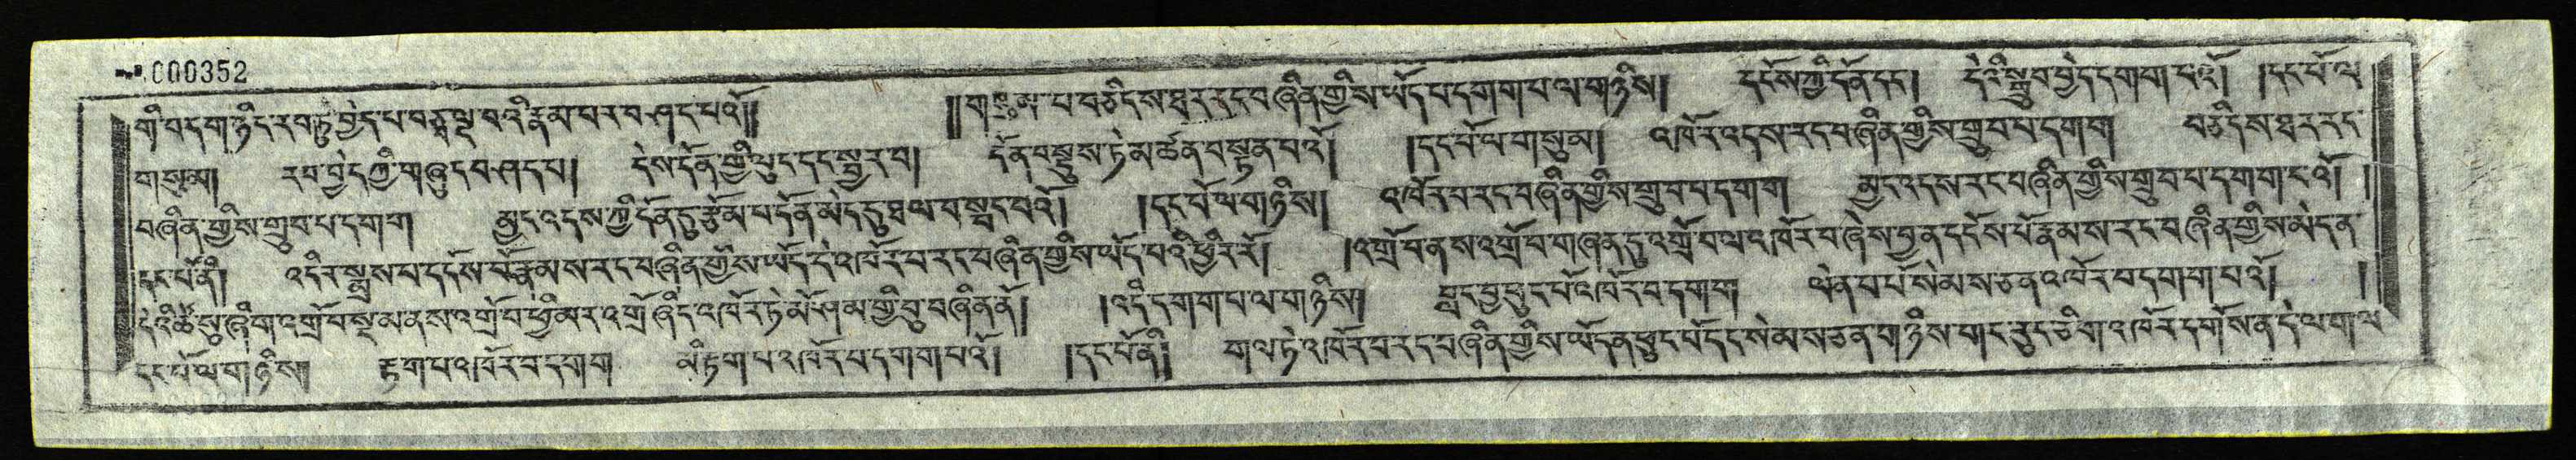གི་བདག་ཉིད་རབ་ཏུ་བྱེད་པ་བཅྭ་ལྔ་པའི་རྣམ་པར་བཤད་པའོ།། །།གསུམ་པ་བཅིངས་ཐར་རང་བཞིན་གྱིས་ཡོད་པ་དགག་པ་ལ་གཉིས། དངོས་ཀྱི་དོན་དང་། དེའི་སྒྲུབ་བྱེད་དགག་པའོ། །དང་པོ་ལ་
གསུམ། རབ་བྱེད་ཀྱི་གཞུང་བཤད་པ། དེས་དོན་གྱི་ལུང་དང་སྦྱར་བ། དོན་བསྡུས་ཏེ་མཚན་བསྟན་པའོ། །དང་པོ་ལ་གསུམ། འཁོར་འདས་རང་བཞིན་གྱིས་གྲུབ་པ་དགག་བཅིངས་ཐར་རང་
བཞིན་གྱིས་གྲུབ་པ་དགག་མྱང་འདས་ཀྱི་དོན་དུ་རྩོམ་པ་དོན་མེད་དུ་ཐལ་བ་སྤང་བའོ། །དང་པོ་ལ་གཉིས། འཁོར་བ་རང་བཞིན་གྱིས་གྲུབ་པ་དགག་མྱང་འདས་རང་བཞིན་གྱིས་གྲུབ་པ་དགག་པའོ། །
དང་པོ་ནི། འདིར་སྨྲས་པ་དངོས་པོ་རྣམས་རང་བཞིན་གྱིས་ཡོད་དེ་འཁོར་བ་རང་བཞིན་གྱིས་ཡོད་པའི་ཕྱིར་རོ། །འགྲོ་བ་ནས་འགྲོ་བ་གཞན་དུ་འགྲོ་བ་ལ་འཁོར་བ་ཞེས་བྱ་ན་དངོས་པོ་རྣམས་རང་བཞིན་གྱིས་མེད་ན་
དེའི་ཚེ་སུ་ཞིག་འགྲོ་བ་སྔ་མ་ནས་འགྲོ་བ་ཕྱི་མར་འགྲོ་ཞིང་འཁོར་ཏེ་མོ་ཤམ་གྱི་བུ་བཞིན་ནོ། །འདི་དགག་པ་ལ་གཉིས། བླང་བྱ་ཕུང་པོ་འཁོར་བ་དགག་ལེན་པ་པོ་སེམས་ཅན་འཁོར་བ་དགག་པའོ། །
དང་པོ་ལ་གཉིས། རྟག་པ་འཁོར་བ་དགག་མི་རྟག་པ་འཁོར་བ་དགག་པའོ། །དང་པོ་ནི། གལ་ཏེ་འཁོར་བ་རང་བཞིན་གྱིས་ཡོད་ན་ཕུང་པོ་དང་སེམས་ཅན་གཉིས་གང་རུང་ཅིག་འཁོར་དགོས་ན་དེ་ལ་གལ་